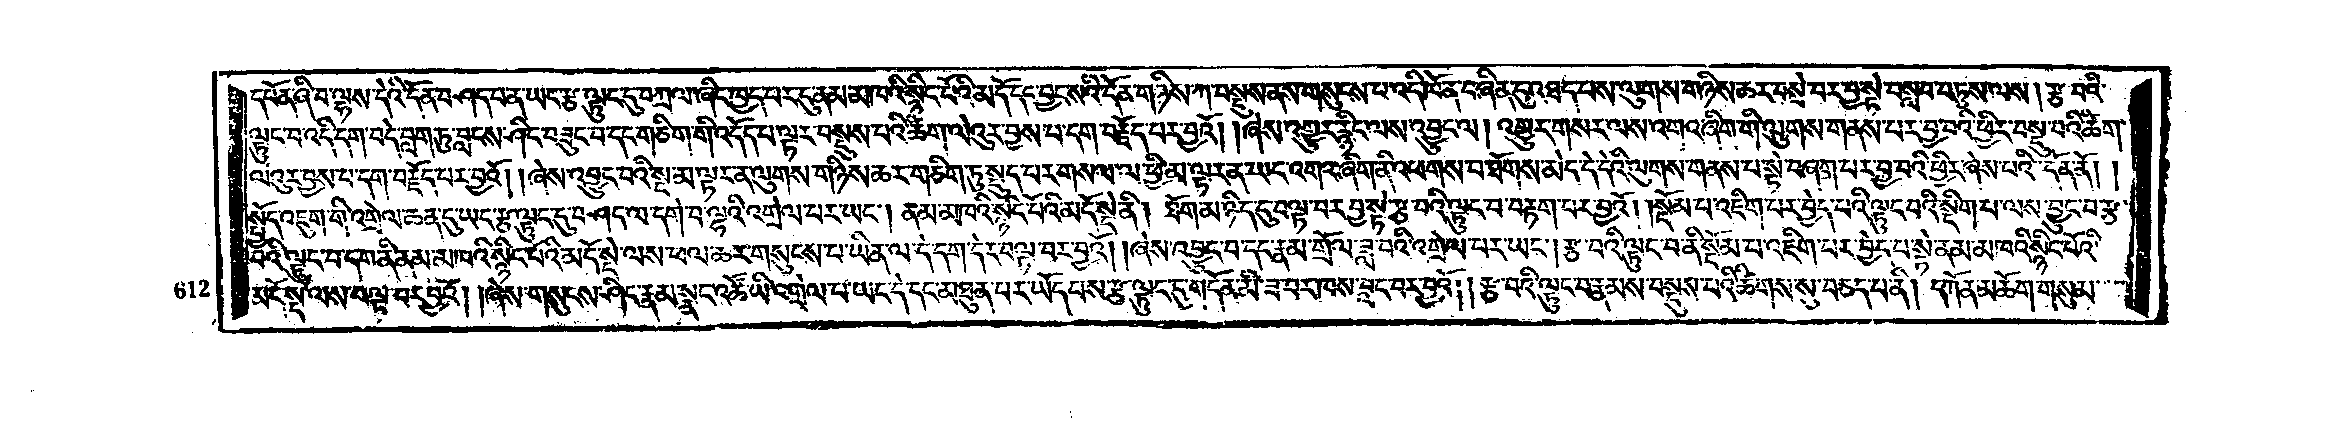དཔོན་ཞི་བ་ལྷས་དེའི་དོན་བཤད་པ་ན་ཡང་རྩ་ལྟུང་དུ་བཀྲལ་ཞིང་ཁྱད་པར་དུ་ནམ་མཁའི་སྙིང་པོའི་མདོ་དང་བྱང་སའི་དོན་གཉིས་ཀ་བསྡུས་ནས་གསུངས་པ་འདི་ཁོ་ན་བཞིན་དུ་འཐད་པས་ལུགས་གཉིས་ཆར་བསྦེ་བར་བྱ་སྟེ་བསླབ་བཏུས་ལས། རྩ་བའི་
ལྟུང་བ་འདི་དག་བདེ་བླག་ཏུ་བླངས་ཤིང་བཟུང་བ་དང་གཅིག་གི་འདོད་པ་ལྟར་བསྡུས་པའི་ཚིག་ལེའུར་བྱས་པ་དག་བརྗོད་པར་བྱའོ། །ཞེས་འགྱུར་རྙིང་ལས་འབྱུང་ལ། འགྱུར་གསར་ལས་འགའ་ཞིག་གི་ལུགས་གནས་པར་བྱ་བའི་ཕྱིར་བསྡུ་བའི་ཚིག་
ལེའུར་བྱས་པ་དག་བརྗོད་པར་བྱའོ། །ཞེས་འབྱུང་བའི་སྔ་མ་ལྟར་ན་ལུགས་གཉིས་ཆར་གཅིག་ཏུ་སྡུད་པར་གསལ་ལ་ཕྱི་མ་ལྟར་ན་ཡང་འགའ་ཞིག་ནི་འཕགས་པ་ཐོགས་མེད་དེ་དེའི་ལུགས་གནས་པ་སྟེ་བཞག་པ་བྱ་བའི་ཕྱིར་ཞེས་པའི་དོན་ནོ། །
སྤྱོད་འཇུག་གི་འགྲེལ་ཆེན་དུ་ཡང་རྩ་ལྟུང་དུ་བཤད་ལ་དགེ་བ་ལྷའི་འགྲེལ་པར་ཡང་། ནམ་མཁའི་སྙིང་པོའི་མདོ་སྡེ་ནི། ཐོག་མ་ཉིད་དུ་བལྟ་བར་བྱ་སྟེ་རྩ་བའི་ལྟུང་བ་བརྟག་པར་བྱའོ། །སྡོམ་པ་འཇིག་པར་བྱེད་པའི་ལྟུང་བའི་སྡིག་པ་ལས་བྱུང་བ་རྩ་
བའི་ལྟུང་བ་དག་ནི་ནམ་མཁའི་སྙིང་པོའི་མདོ་སྡེ་ལས་ཕལ་ཆར་གསུངས་པ་ཡིན་ལ་དེ་དག་དེར་བལྟ་བར་བྱའོ། །ཞེས་འབྱུང་བ་དང་རྣམ་གྲོལ་ཟླ་བའི་འགྲེལ་པར་ཡང་། རྩ་བའི་ལྟུང་བ་ནི་སྡོམ་པ་འཇིག་པར་བྱེད་པ་སྟེ་ནམ་མཁའི་སྙིང་པོའི་
མདོ་སྡེ་ལས་བལྟ་བར་བྱའོ། །ཞེས་གསུངས་ཤིང་རྣམ་སྣང་འཚོ་ཡི་འགྲེལ་པ་ཡང་དེ་དང་མཐུན་པར་ཡོད་པས་རྩ་ལྟུང་དུ་གདོན་མི་ཟ་བར་ཁས་བླང་བར་བྱའོ། །རྩ་བའི་ལྟུང་བ་རྣམས་བསྡུས་པའི་ཚིགས་སུ་བཅད་པ་ནི། དཀོན་མཆོག་གསུམ་